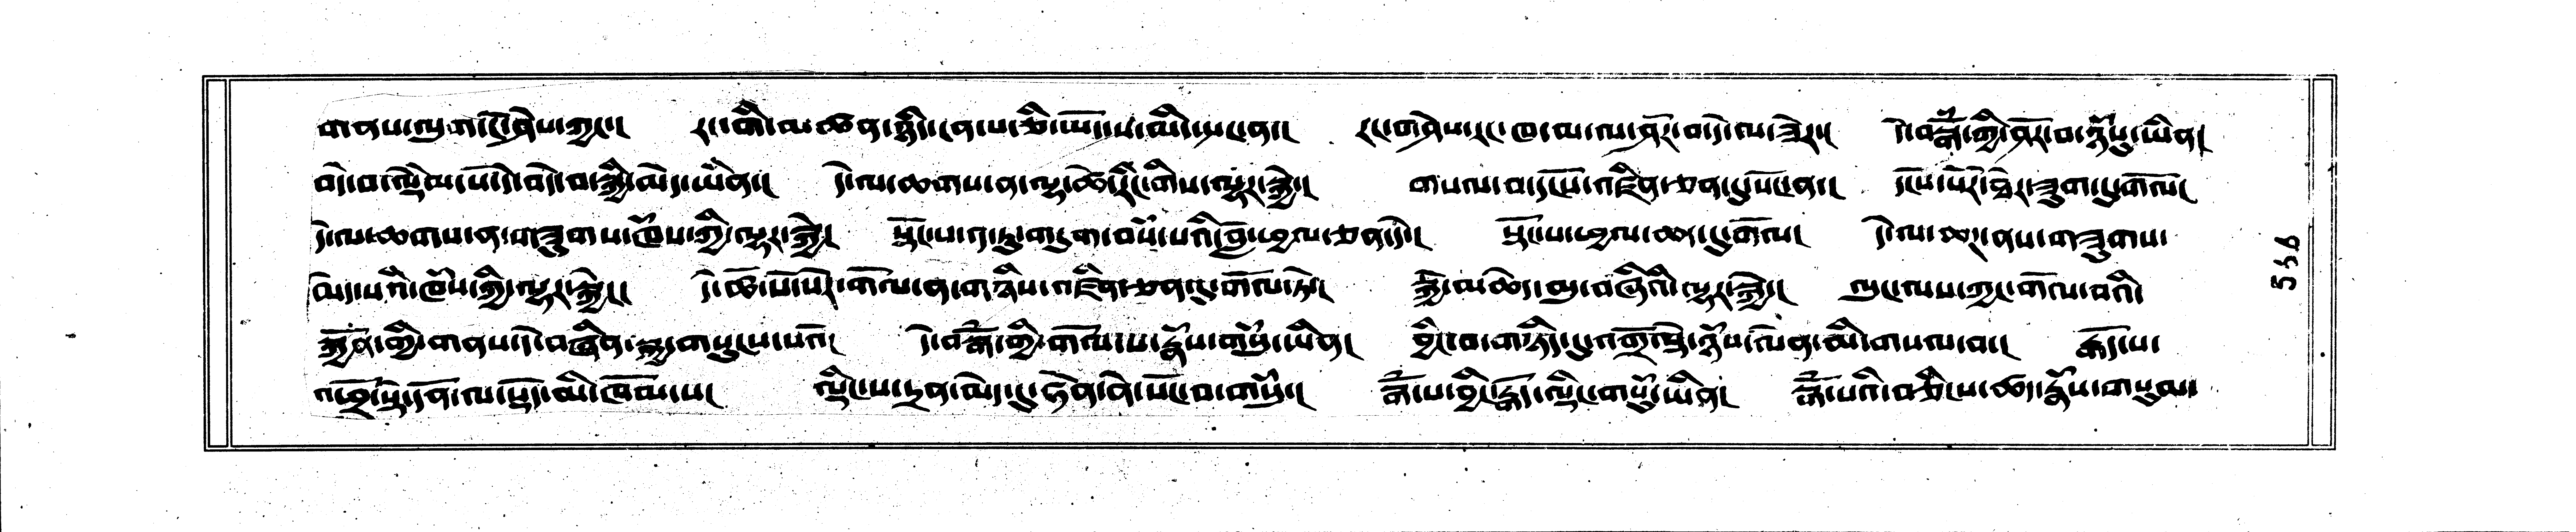གནས་ལུགས་ངོ་ཤེས་ཀྱང་། རང་གིས་མཚན་ཉིད་ངན་པ་ཅི་ཡོད་པ་མི་སྤང་ནས། རང་གཤིས་རང་ཁ་མ་ལ་ཤོར་བ་དེ་ལ་ཟེར། དེ་སྒོམས་ཀྱི་ཤོར་བ་རྣམས་གསུམ་ཡིན། 
བདེ་བ་ལྡེམ་ལྡེམ་པོ་དེ་བདེ་བ་སྐྱེད་མེད་ཡིན། དེ་ལ་ཆགས་ན་ལྷ་ཚེ་རིང་གིས་ལྷར་སྐྱེས། གསལ་བ་དངོས་འཛིན་ཅན་དུ་སོང་ན། དངོས་པོ་ཐེར་ཟུག་ཏུ་གོལ། 
དེ་ལ་ཆགས་ན་གཟུགས་ཁམས་ཀྱི་ལྷར་སྐྱེ། སྟོང་པ་ཅིག་ཏུ་བསམ་པའི་བློ་ཕྱལ་ཅན་དེ། སྟོང་པ་ཕྱལ་ཆད་དུ་གོལ། དེ་ལ་ཆགས་ན་གཟུགས་
མེད་པའི་ཁམས་ཀྱིས་ལྷར་སྐྱེས། དེ་ཚེ་སོ་སོར་གོལ་ན་གཉིས་འཛིན་ཅན་དུ་གོལ་ཏེ། སྐྱེ་མཆེད་མུ་བཞི་ཡི་ལྷར་སྐྱེ། ལུང་ལས་ཀྱང་གོལ་བའི་
སྐྱོན་གྱི་གནས་དེ་བཞིར་སྐྱེ་གསུངས་པའོ། དེ་སྒོམ་གྱིས་གོལ་ས་རྣམས་གསུམ་ཡིན། བྱིང་པ་གཉིད་དུ་འགྲོ་སྟེ་ཉམས་ལེན་མི་གསལ་བ། རྒོད་པ་
འཕྲོ་སྟེ་དོན་ལ་སྡོད་མི་ཁོམ་པ། ལྡིང་པ་དྲན་མེད་དུ་ཧན་ནེ་སོང་པ་གསུམ། སྒོམ་པ་བྱིང་རྒོད་ལྡིང་གསུམ་ཡིན། སྒོམ་པས་བཅིངས་ཚད་རྣམ་གསུམ་